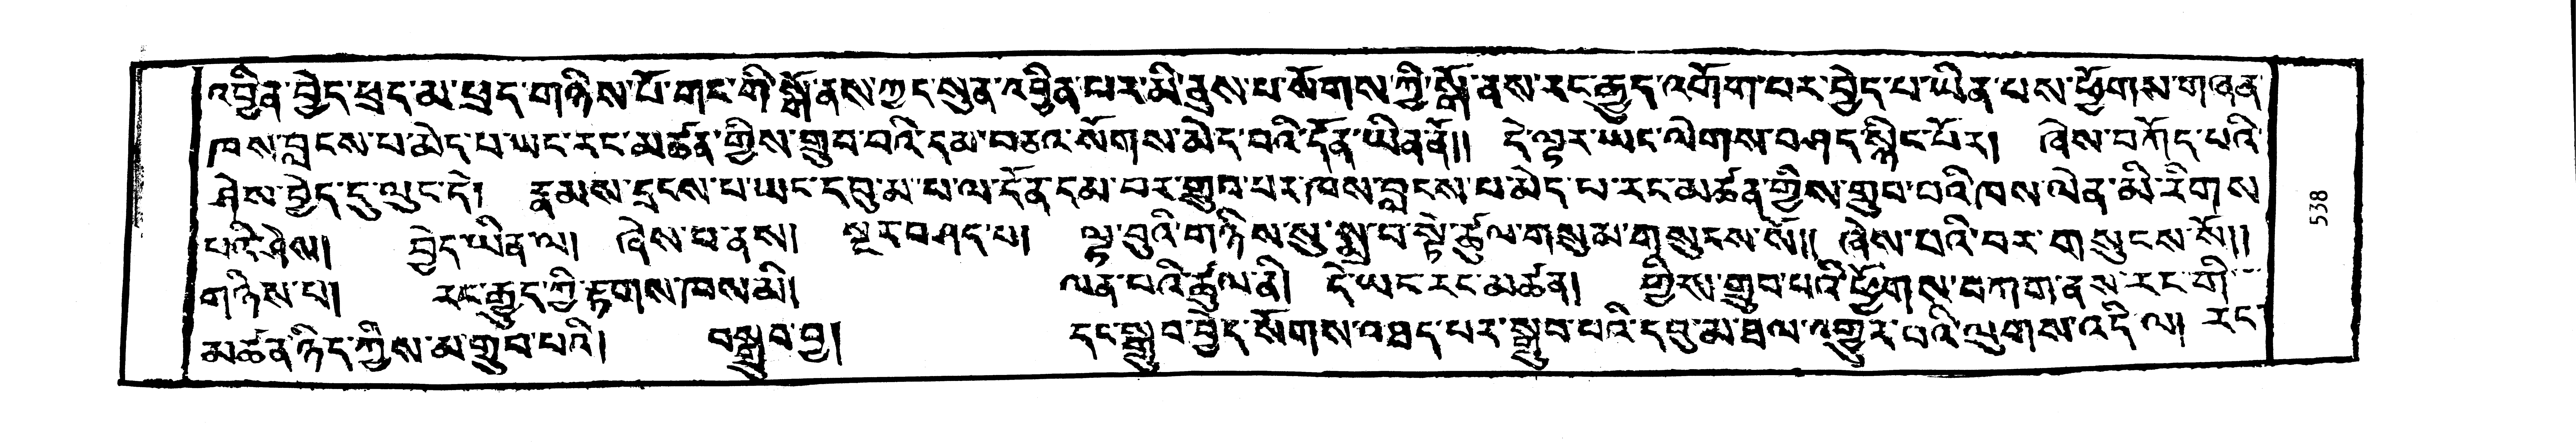འབྱིན་བྱེད་ཕྲད་མ་ཕྲད་གཉིས་པོ་གང་གི་སྒོ་ནས་ཀྱང་སུན་འབྱིན་པར་མི་ནུས་པ་སོགས་ཀྱི་སྒོ་ནས་རང་རྒྱུད་འགོག་པར་བྱེད་པ་ཡིན་པས་ཕྱོགས་གཞན་
ཁས་བླངས་པ་མེད་པ་ཡང་རང་མཚན་གྱིས་གྲུབ་པའི་དམ་བཅའ་སོགས་མེད་པའི་དོན་ཡིན་ནོ། །དེ་ལྟར་ཡང་ལེགས་བཤད་སྙིང་པོར། ཞེས་བཀོད་པའི་
ཤེས་བྱེད་དུ་ལུང་དེ། རྣམས་དྲངས་པ་ཡང་དབུ་མ་པ་ལ་དོན་དམ་པར་གྲུབ་པར་ཁས་བླངས་པ་མེད་པ་རང་མཚན་གྱིས་གྲུབ་པའི་ཁས་ལེན་མི་རིགས་
པའི་ཤེས། བྱ་ཡིན་ལ། ཞེས་པ་ནས། སྔར་བཤད་པ། ལྟ་བུའི་གཉིས་སུ་སྨྲ་བ་སྟེ་ཚུལ་གསུམ་གསུངས་སོ། །ཞེས་པའི་བར་གསུངས་སོ། །
གཉིས་པ། རང་རྒྱུད་ཀྱི་རྟགས་ཁས་མི། ལན་པའི་ཚུལ་ནི། དེ་ཡང་རང་མཚན། གྱིས་གྲུབ་པའི་ཕྱོགས་བཀག་ནས་རང་གི་
མཚན་ཉིད་ཀྱིས་མ་གྲུབ་པའི། བསྒྲུབ་བྱ། དང་སྒྲུབ་བྱེད་སོགས་འཐད་པར་སྒྲུབ་པའི་དབུ་མ་ཐལ་འགྱུར་བའི་ལུགས་འདི་ལ། རང་